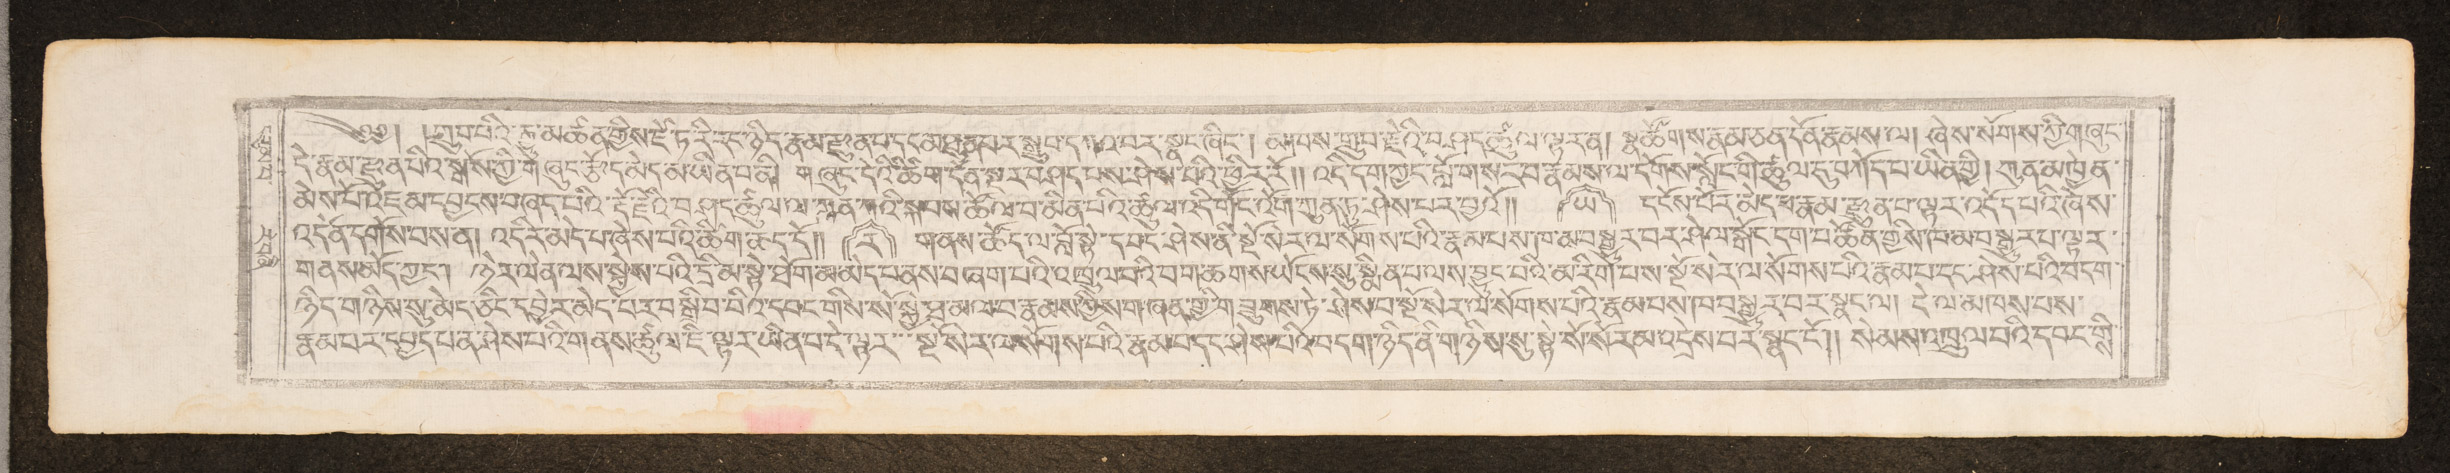༄༅། །གྲུབ་པའི་རྒྱུ་མཚན་གྱིས་ཛེ་ཏ་རི་རང་ཉིད་རྣམ་རྫུན་པ་དང་མཐུན་པར་སྒྲུབ་དཀའ་བར་སྣང་ཞིང་། མཁས་གྲུབ་རྗེའི་བཤད་ཚུལ་ལྟར་ན། སྣ་ཚོགས་རྣམ་ཅན་དོན་རྣམས་ལ། ཞེས་སོགས་ཀྱི་གཞུང་
དེ་རྣམ་རྫུན་པའི་སོགས་ཀྱི་གཞུང་རྩོད་མེད་མ་ཡིན་པ་ནི། གཞུང་དེའི་ཚིག་དོན་སྔར་བཤད་པས་ཤེས་པའི་ཕྱིར་རོ། །འདི་དག་ཀྱང་བློ་གསར་བ་རྣམས་ལ་དགོས་སློང་གི་ཚུལ་དུ་བཀོད་པ་ཡིན་གྱི། ཀུན་མཁྱེན་
མེས་པོ་འཇམ་དབྱངས་བཞད་པའི་རྡོ་རྗེའི་བཤད་ཚུལ་ལ་ཀླན་ཀའི་སྐབས་ཚོལ་བ་མིན་པའི་ཚུལ་འདི་གོང་འོག་ཀུན་ཏུ་ཤེས་པར་བྱའོ། ། ༼༽ཡ༼༽ དངོས་པོར་མེད་པ་རྣམ་རྫུན་པ་ལྟར་འདོད་པའི་ཞེས་
འདོན་དགོས་པས་ན། འདིར་མེད་པ་ཞེས་པིའ་ཚིག་ཆད་དོ།། ༼༽ར༼༽ གནས་ཚོད་ལ་བློ་སྟེ་དབང་ཤེས་ནི་སྔོ་སེར་ལ་སོགས་པིའ་རྣམ་པས་ཁ་མ་བསྒྱུར་བར་ཤེས་སྒོང་དག་པ་ཚོན་གྱིས་ཁ་མ་བསྒྱུར་པ་ལྟར་
གནས་མོད་ཀྱང་། ཉེར་ལེན་ལས་སྐྱེས་པའི་དྲི་མ་སྟེ་ཐོག་མ་མེད་པ་ནས་བཞག་པའི་འཁྲུལ་བའི་བག་ཆགས་ཡོངས་སུ་སྨིན་པ་ལས་བྱུང་བའི་མ་རིག་པས་སྔོ་སེར་ལ་སོགས་པའི་རྣམ་པ་དང་ཤེས་པའི་བདག་
ཉིད་གཉིས་སུ་མེད་ཅིང་དབྱེར་པར་བསྒྲིབ་པའི་དབང་གིས་སོ་སྐྱེ་ཐ་མ་ལ་བ་རྣམས་ཀྱིས་གཞན་གྱི་གཟུགས་ཏེ་ཤེས་པ་སྔོ་སོར་ལ་སོགས་པའི་རྣམ་པས་ཁ་བསྒྱུར་བར་སྣང་ལ། ། དེ་ལ་མཁས་པ་
རྣམ་པར་དཔྱད་པ་ན་ཤེས་པའི་གནས་ཚུལ་ཇི་ལྟ་ཡིན་པ་དེ་ལྟར་སྔོ་སེར་ལ་སོགས་པའི་རྣམ་པ་དང་ཤེས་པའི་བདག་ཉིད་ན་གཉིས་སུ་སྟེ་སོ་སོར་མ་འདྲེས་པར་སྣང་ངོ། ། སེམས་འཁྲུལ་བའི་དབང་གིས་